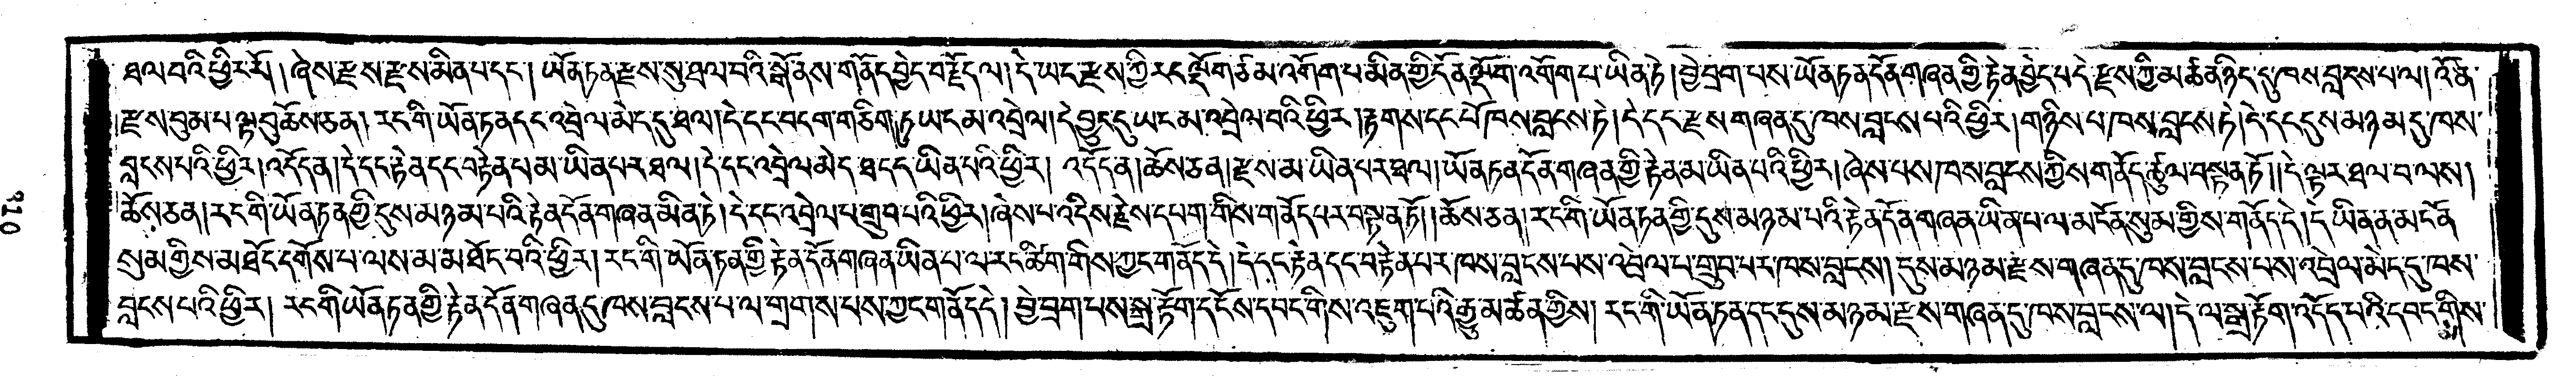ཐལ་བའི་ཕྱིར་རོ། །ཞེས་རྫས་རྫས་མིན་པ་དང་། ཡོན་ཏན་རྫས་སུ་ཐལ་བའི་སྒོ་ནས་གནོད་བྱེད་བརྗོད་ལ། དེ་ཡང་རྫས་ཀྱི་རང་ལྡོག་ཙམ་འགོག་པ་མིན་གྱི་དོན་ལྡོག་འགོག་པ་ཡིན་ཏེ། བྱེ་བྲག་པས་ཡོན་ཏན་དོན་གཞན་གྱི་རྟེན་བྱེད་པ་དེ་རྫས་ཀྱི་མཚན་ཉིད་དུ་ཁས་བླངས་པ་ལ། འོ་ན་
རྫས་བུམ་པ་ལྟ་བུ་ཆོས་ཅན། རང་གི་ཡོན་ཏན་དང་འབྲེལ་མེད་དུ་ཐལ། དེ་དང་བདག་གཅིག་ཏུ་ཡང་མ་འབྲེལ། དེ་བྱུང་དུ་ཡང་མ་འབྲེལ་བའི་ཕྱིར། རྟགས་དང་པོ་ཁས་བླངས་ཏེ། དེ་དང་རྫས་གཞན་དུ་ཁས་བླངས་པའི་ཕྱིར། གཉིས་པ་ཁས་བླངས་ཏེ། དེ་དང་དུས་མཉམ་དུ་ཁས་
བླངས་པའི་ཕྱིར། འདོད་ན། དེ་དང་རྟེན་དང་བརྟན་པ་མ་ཡིན་པར་ཐལ། དེ་དང་འབྲེལ་མེད་ཐ་དད་ཡིན་པའི་ཕྱིར། འདོད་ན། ཆོས་ཅན། རྫས་མ་ཡིན་པར་ཐལ། ཡོན་ཏན་དོན་གཞན་གྱི་རྟེན་མ་ཡིན་པའི་ཕྱིར། ཞེས་པས་ཁས་བླངས་ཀྱིས་གནོད་ཚུལ་བསྟན་ཏོ། །དེ་ལྟར་ཐལ་བ་ལས།
ཆོས་ཅན། རང་གི་ཡོན་ཏན་གྱི་དུས་མཉམ་པའི་རྟེན་དོན་གཞན་ཡིན་ཏེ། དེ་དང་འབྲེལ་པ་གྲུབ་པའི་ཕྱིར། ཞེས་པ་འདིས་རྗེས་དཔག་གིས་གནོད་པར་བསྟན་ཏོ། །ཆོས་ཅན། རང་གི་ཡོན་ཏན་གྱི་དུས་མཉམ་པའི་རྟེན་དོན་གཞན་ཡིན་པ་ལ་མངོན་སུམ་གྱིས་གནོད་དེ། དེ་ཡིན་ན་མངོན་
སུམ་གྱིས་མཐོང་དགོས་པ་ལས་མ་མཐོང་བའི་ཕྱིར། རང་གི་ཡོན་ཏན་གྱི་རྟེན་དོན་གཞན་ཡིན་པ་ལ་རང་ཚིག་གིས་ཀྱང་གནོད་དེ། དེ་དང་རྟེན་དང་བརྟེན་པར་ཁས་བླངས་པས་འབྲེལ་པ་གྲུབ་པར་ཁས་བླངས། དུས་མཉམ་རྫས་གཞན་དུ་ཁས་བླངས་པས་འབྲེལ་མེད་དུ་ཁས་
བླངས་པའི་ཕྱིར། རང་གི་ཡོན་ཏན་གྱི་རྟེན་དོན་གཞན་དུ་ཁས་བླངས་པ་ལ་གྲགས་པས་ཀྱང་གནོད་དེ། བྱེ་བྲག་པས་སྒྲ་རྟོག་དངོས་དབང་གིས་འཇུག་པའི་རྒྱུ་མཚན་གྱིས། རང་གི་ཡོན་ཏན་དང་དུས་མཉམ་རྫས་གཞན་དུ་ཁས་བླངས་ལ། དེ་ལ་སྒྲ་རྟོག་འདོད་པའི་དབང་གིས་